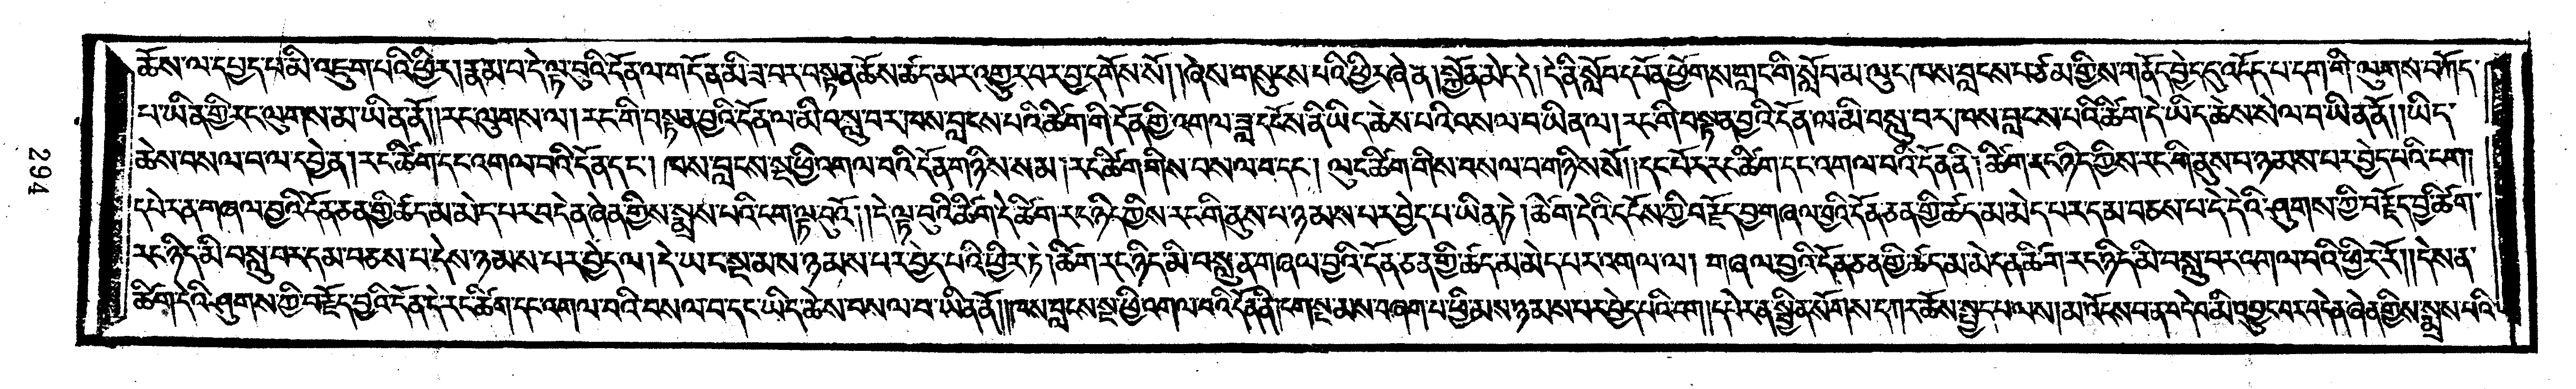ཆོས་ལ་དཔྱད་པ་མི་འཇུག་པའི་ཕྱིར། རྣམ་པ་དེ་ལྟ་བུའི་དོན་ལ་གདོན་མི་ཟ་བར་བསྟན་ཆོས་ཚད་མར་འགྱུར་བར་བྱ་དགོས་སོ། །ཞེས་གསུངས་པའི་ཕྱིར་ཞེ་ན། སྐྱོན་མེད་དེ། དེ་ནི་སློབ་དཔོན་ཕྱོགས་གླང་གི་སློབ་མ་ལུང་ཁས་བླངས་པ་ཙམ་གྱིས་གནོད་བྱེད་དུ་འདོད་པ་དག་གི་ལུགས་བཀོད་
པ་ཡིན་གྱི་རང་ལུགས་མ་ཡིན་ནོ། །རང་ལུགས་ལ། རང་གི་བསྟན་བྱའི་དོན་ལ་མི་བསླུ་བར་ཁས་བླངས་པའི་ཚིག་གི་དོན་གྱི་འགལ་ཟླ་དངོས་ནི་ཡིད་ཆེས་པའི་བསལ་བ་ཡིན་ལ། རང་གི་བསྟན་བྱའི་དོན་ལ་མི་བསླུ་བར་ཁས་བླངས་པའི་ཚིག་དེ་ཡིད་ཆེས་སེལ་བ་ཡིན་ནོ། །ཡིད་
ཆེས་བསལ་བ་ལ་དབྱེ་ན། རང་ཚིག་དང་འགལ་བའི་དོན་དང་། ཁས་བླངས་སྔ་ཕྱི་འགལ་བའི་དོན་གཉིས་སམ། རང་ཚིག་གིས་བསལ་བ་དང་། ལུང་ཚིག་གིས་བསལ་བ་གཉིས་སོ། །དང་པོར་རང་ཚིག་དང་འགལ་བའི་དོན་ནི། ཚིག་རང་ཉིད་ཀྱིས་རང་གི་ནུས་པ་ཉམས་པར་བྱེད་པའི་ངག།
དཔེར་ན་གཞལ་བྱའི་དོན་ཅན་གྱི་ཚད་མ་མེད་པར་བདེན་ཞེན་གྱིས་སྨྲས་པའི་ངག་ལྟ་བུའོ། །དེ་ལྟ་བུའི་ཚིག་དེ་ཚིག་རང་ཉིད་ཀྱིས་རང་གི་ནུས་པ་ཉམས་པར་བྱེད་པ་ཡིན་ཏེ། ཚིག་དེའི་དངོས་ཀྱི་བརྗོད་བྱ་གཞལ་བྱའི་དོན་ཅན་གྱི་ཚད་མ་མེད་པར་དམ་བཅས་པ་དེ་དེའི་ཤུགས་ཀྱི་བརྗོད་བྱ་ཚིག་
རང་ཉིད་མི་བསླུ་བར་དམ་བཅས་པ་དེས་ཉམས་པར་བྱེད་ལ། དེ་ཡང་སྔ་མས་ཉམས་པར་བྱེད་པའི་ཕྱིར་ཏེ། ཚིག་རང་ཉིད་མི་བསླུ་ན་གཞལ་བྱའི་དོན་ཅན་གྱི་ཚད་མ་མེད་པར་འགལ་ལ། གཞལ་བྱའི་དོན་ཅན་གྱི་ཚད་མ་མེད་ན་ཚིག་རང་ཉིད་མི་བསླུ་བར་འགལ་བའི་ཕྱིར་རོ། །དེས་ན་
ཚིག་དེའི་ཤུགས་ཀྱི་བརྗོད་བྱའི་དོན་དེ་རང་ཚིག་དང་འགལ་བའི་བསལ་བ་དང་ཡིད་ཆེས་བསལ་བ་ཡིན་ནོ། །ཁས་བླངས་སྔ་ཕྱི་འགལ་བའི་དོན་ནི། ངག་སྔ་མས་བཞག་པ་ཕྱི་མས་ཉམས་པར་བྱེད་པའི་ངག། དཔེར་ན་སྦྱིན་སོགས་དཀར་ཆོས་སྤྱད་པ་ལས། མ་འོངས་པ་ན་བདེ་བ་མི་འབྱུང་བར་བདེན་ཞེན་གྱིས་སྨྲས་པའི་